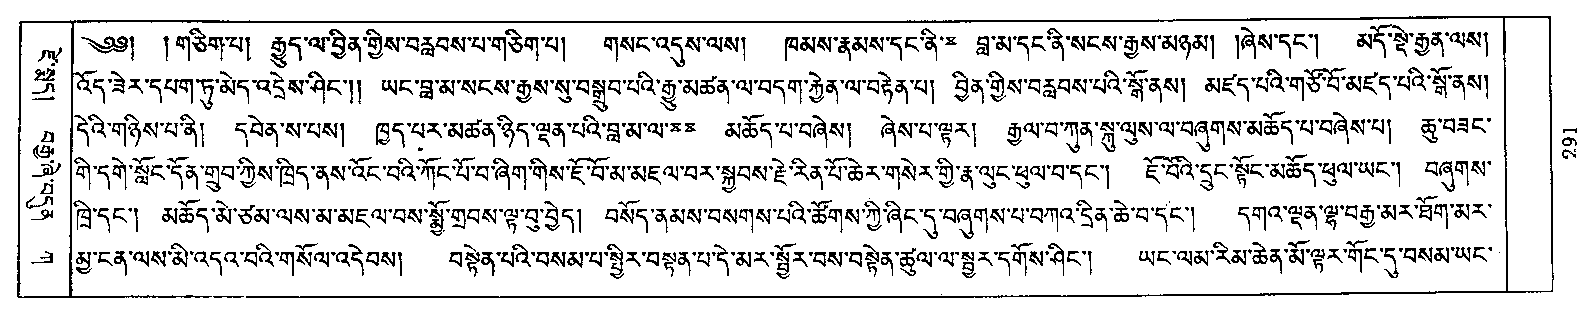༄༅། །གཅིག་པ། རྒྱུད་ལ་བྱིན་གྱིས་བརླབས་པ་གཅིག་པ། གསང་འདུས་ལས། ཁམས་རྣམས་དང་ནི་྾་བླ་མ་དང་ནི་སངས་རྒྱས་མཉམ། །ཞེས་དང་། མདོ་སྡེ་རྒྱན་ལས།
འོད་ཟེར་དཔག་ཏུ་མེད་འདྲེས་ཤིང།། ཡང་བླ་མ་སངས་རྒྱས་སུ་བསྒྲུབ་པའི་རྒྱུ་མཚན་ལ་བདག་རྐྱེན་ལ་བརྟེན་པ། བྱིན་གྱིས་བརླབས་པའི་སྒོ་ནས། མཛད་པའི་གཙོ་བོ་མཛད་པའི་སྒོ་ནས།
དེའི་གཉིས་པ་ནི། དབེན་ས་པས། ཁྱད་པར་མཚན་ཉིད་ལྡན་པའི་བླ་མ་ལ་྾྾་མཆོད་པ་བཞེས། ཞེས་པ་ལྟར། རྒྱལ་བ་ཀུན་སྐུ་ལུས་ལ་བཞུགས་མཆོད་པ་བཞེས་པ། ཆུ་བཟང་
གི་དགེ་སློང་དོན་གྲུབ་ཀྱིས་ཁྲིད་ནས་འོང་བའི་ཀོང་པོ་བ་ཞིག་གིས་ཇོ་བོ་མ་མཇལ་བར་སྐྱབས་རྗེ་རིན་པོ་ཆེར་གསེར་གྱི་རྣ་ལུང་ཕུལ་བ་དང་། ཇོ་བོའི་དྲུང་སྟོང་མཆོད་ཕུལ་ཡང་། བཞུགས་
ཁྲི་དང་། མཆོད་མེ་ཙམ་ལས་མ་མཇལ་བས་སྨྱོ་གྲབས་ལྟ་བུ་བྱེད། བསོད་ནམས་བསགས་པའི་ཚོགས་ཀྱི་ཞིང་དུ་བཞུགས་པ་བཀའ་དྲིན་ཆེ་བ་དང་། དགའ་ལྡན་ལྷ་བརྒྱ་མར་ཐོག་མར་
མྱ་ངན་ལས་མི་འདའ་བའི་གསོལ་འདེབས། བསྟེན་པའི་བསམ་པ་སྤྱིར་བསྟན་པ་དེ་མར་སྦྱོར་བས་བསྟེན་ཚུལ་ལ་སྦྱར་དགོས་ཤིང་། ཡང་ལམ་རིམ་ཆེན་མོ་ལྟར་གོང་དུ་བསམ་ཡང་